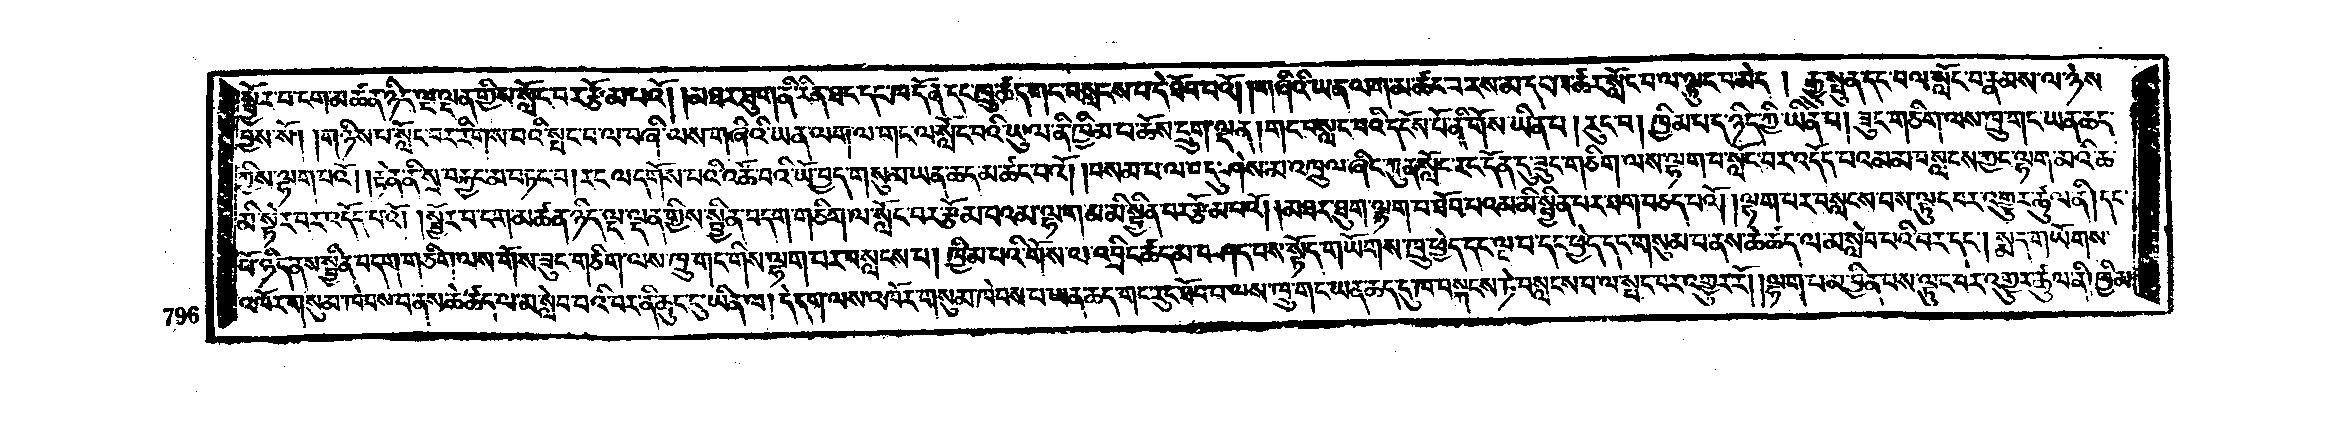སྦྱོར་བ་ངག་མཚན་ཉིད་ལྔ་ལྡན་གྱིས་སློང་བར་རྩོམ་པའོ། །མཐར་ཐུག་ནི་རིན་ཐང་དང་ཁ་དོན་དང་ཁྲུ་ཚད་གང་བསླངས་པ་དེ་ཐོབ་པའོ། །གཞིའི་ཡན་ལག་མ་ཚང་བ་རས་མ་དང་ཁ་ཚར་སློང་བ་ལ་ལྟུང་བ་མེད། རྒྱུ་སྤུན་དང་བལ་སློང་བ་རྣམས་ལ་ཉེས་
བྱས་སོ། །གཉིས་པ་སློང་བར་རིགས་པའི་སྤང་བ་ལ་བཞི་ལས་གཞིའི་ཡན་ལག་ལ་གང་ལ་སློང་བའི་ཡུལ་ནི་ཁྱིམ་པ་ཆོས་དྲུག་ལྡན། གང་བསླང་བའི་དངོས་པོ་ནི་གོས་ཡིན་པ། རུང་བ། ཁྱིམ་པ་དེ་ཉིད་ཀྱི་ཡིན་པ། ཟུང་གཅིག་ལས་ཁྲུ་གང་ཡན་ཆད་
ཀྱིས་ལྷག་པའོ། །རྟེན་ནི་སྲ་བརྐྱང་མ་བཏང་བ། རང་ལ་དགོས་པའི་འཚོ་བའི་ཡོ་བྱད་གསུམ་ཡན་ཆད་མ་ཚང་བའོ། །བསམ་པ་ལ་འདུ་ཤེས་མ་འཁྲུལ་ཞིང་ཀུན་སློང་རང་དོན་དུ་ཟུང་གཅིག་ལས་ལྷག་པ་སློང་བར་འདོད་པའམ་མ་བསླངས་ཀྱང་ལྷག་མའི་ཆ་
མི་སྟེར་བར་འདོད་པའོ། །སྦྱོར་བ་ངག་མཚན་ཉིད་ལྔ་ལྡན་གྱིས་སྦྱིན་བདག་གཅིག་ལ་སློང་བར་རྩོམ་པའམ་ལྷག་མ་མི་སྦྱིན་པར་རྩོམ་པའོ། །མཐར་ཐུག་ལྷག་པ་ཐོབ་པའམ་མི་སྦྱིན་པར་ཐག་བཅད་པའོ། །ལྷག་པར་བསླངས་པས་ལྟུང་བར་འགྱུར་ཚུལ་ནི། དང་
པོ་ཉིད་ནས་སྦྱིན་བདག་གཅིག་ལས་གོས་ཟུང་གཅིག་ལས་ཁྲུ་གང་གིས་ལྷག་པར་བསླངས་པ། ཁྱིམ་པའི་གོས་ལ་འབྲིང་ཚད་མ་བཤད་པས་སྟོད་གཡོགས་ཁྲུ་ཕྱེད་དང་ལྔ་པ་དང་ཕྱེད་དང་གསུམ་པ་ནས་ཆེ་ཚད་ལ་མ་སློབ་པའི་བར་དང་། སྨད་གཡོགས་
འཁོར་གསུམ་ཁེབས་བ་ནས་ཆེ་ཚད་ལ་མ་སླེབ་པའི་བར་ནི་ཆུང་ངུ་ཡིན་ལ། དེ་དག་ལས་འཁོར་གསུམ་ཁེབས་པ་ཡན་ཆད་གང་རུང་ཐོབ་པ་ལས་ཁྲུ་གང་ཡན་ཆད་དུ་ཁ་བསྐངས་ཏེ་བསླངས་པ་ལ་སྤང་བར་འགྱུར་རོ། །ལྷག་པ་མ་བྱིན་པས་ལྟུང་བར་འགྱུར་ཚུལ་ནི། ཁྱིམ་